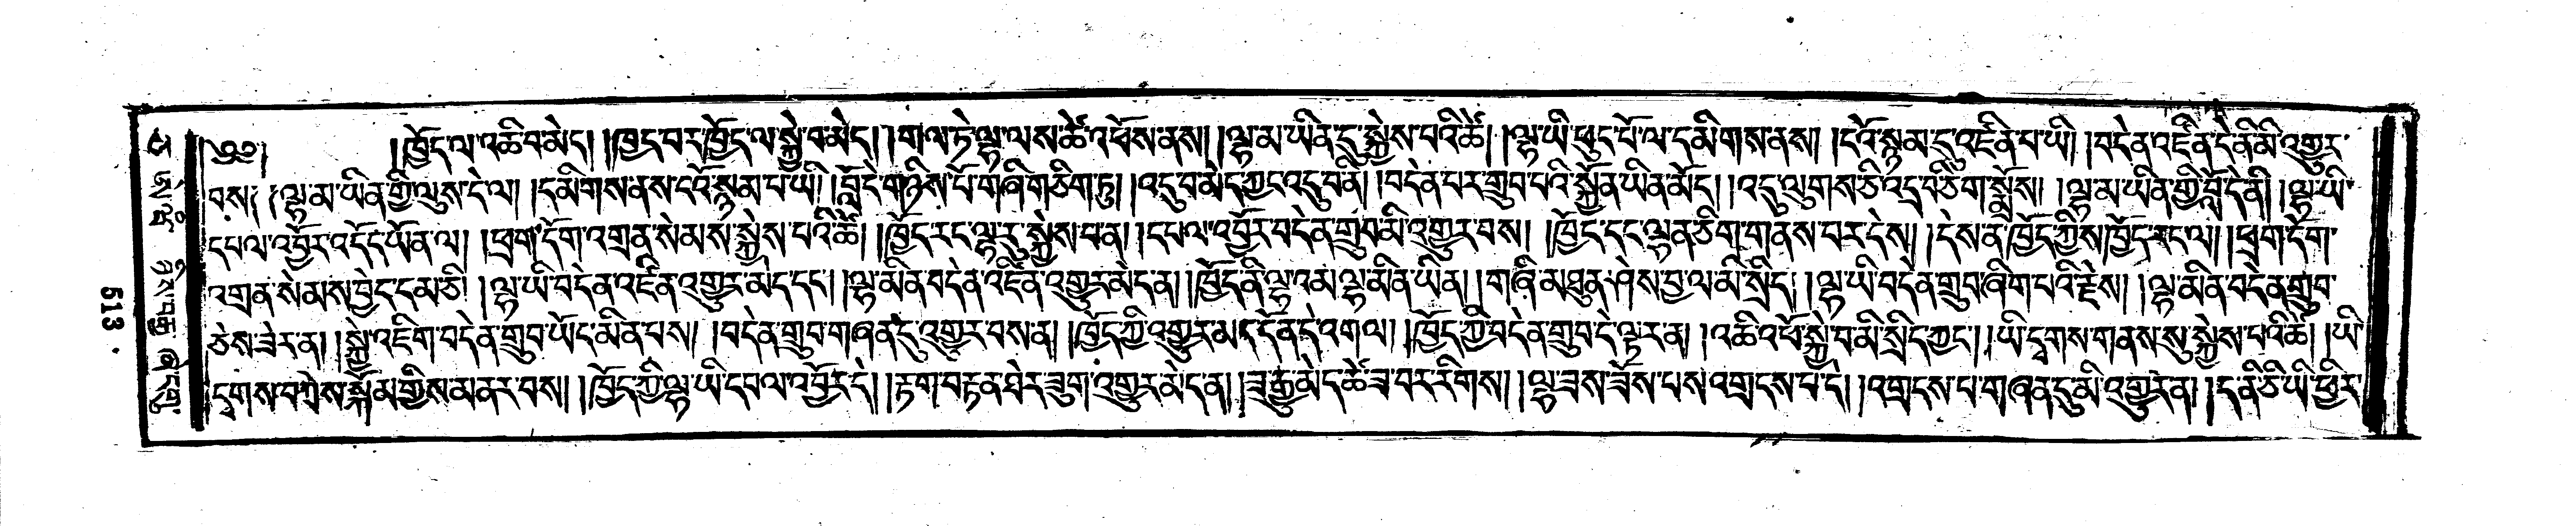༄༅། །ཁྱོད་ལ་འཆི་བ་མེད། །ཁྱད་པར་ཁྱོད་ལ་སྐྱེ་བ་མེད། །གལ་ཏེ་ལག་ལས་ཚེ་འཕོས་ནས། །ལྷ་མ་ཡིན་དུ་སྐྱེས་པའི་ཚེ། །ལྷ་ཡི་ཕུང་པོ་ལ་དམིགས་ནས། །ངའོ་སྙམ་དུ་འཛིན་པ་ཡི། །བདེན་འཛིན་དེ་ནི་མི་འགྱུར་
བས༑ ༑ལྷ་མ་ཡིན་གྱི་ལུས་དེ་ལ། །དམིགས་ནས་ངའོ་སྙམ་པ་ཡི། །བློ་དེ་གཉིས་པོ་གཞི་གཅིག་ཏུ། །འདུ་བ་མེད་ཀྱང་འདུ་བ་ནི། །བདེན་པར་འགྲུབ་པའི་སྐྱོན་ཡིན་མོད། །འདུ་ལུགས་ཅི་འདྲ་བ་ཅིག་སྨྲོས། །ལྷ་མ་ཡིན་གྱི་བློ་དེ་ནི། །ལྷ་ཡི་
དཔལ་འབྱོར་འདོད་ཡོན་ལ། །ཕྲག་དོག་འགྲན་སེམས་སྐྱེས་པའི་ཚེ། །ཁྱོད་རང་ལྷ་རུ་སྐྱེས་པ་ན། །དཔལ་འབྱོར་བདེན་གྲུབ་མི་འགྱུར་བས། །ཁྱོད་དང་ལྷན་ཅིག་གནས་པར་ངེས། །དེས་ན་ཁྱོད་ཀྱིས་ཁྱོད་རང་ལ། །ཕྲག་དོག་
འགྲན་སེམས་བྱེད་དམ་ཅི། །ལྷ་ཡི་བདེན་འཛིན་འགྱུར་མ་མེད་དང་། །ལྷ་མིན་བདེན་འཛིན་འགྱུར་མེད་ན། །ཁྱོད་ནི་ལྷའམ་ལྷ་མིན་ཡིན། །གཞི་མཐུན་ཤེས་བྱ་ལ་མི་སྲིད། །ལྷ་ཡི་བདེན་གྲུབ་ཞིག་པའི་རྗེས། །ལྷ་མིན་བདེན་གྲུབ་
ཅེས་ཟེར་ན། །སྐྱེ་འཇིག་བདེན་གྲུབ་ཡོད་མིན་པས། །བདེན་གྲུབ་གཞན་དུ་འགྱུར་བས་ན། །ཁྱོད་ཀྱི་འགྱུར་མེད་དོན་དེ་འགལ། །ཁྱོད་ཀྱི་བདེན་གྲུབ་དེ་ལྟར་ན། ། འཆི་འཕོ་སྐྱེ་བ་མི་སྲིད་ཀྱང་། །ཡི་དྭགས་གནས་སུ་སྐྱེས་བའི་ཚེ། །ཡི་
དྭགས་བཀྲེས་སྐོམ་གྱིས་གནར་བས། །ཁྱོད་ཀྱི་ལྷ་ཡི་དཔལ་འབྱོར་དེ། །རྟག་བརྟན་ཐེར་ཟུག་འགྱུར་མེད་ན། །ཟ་རྒྱུ་མེད་ཚེ་ཟ་བར་རིགས། །ལྷ་ཟས་ཟོས་པར་འགྲངས་པ་དེ། །འགྲངས་པ་གཞན་དུ་མི་འགྱུར་ན། །ད་ནི་ཅི་ཡི་ཕྱིར་